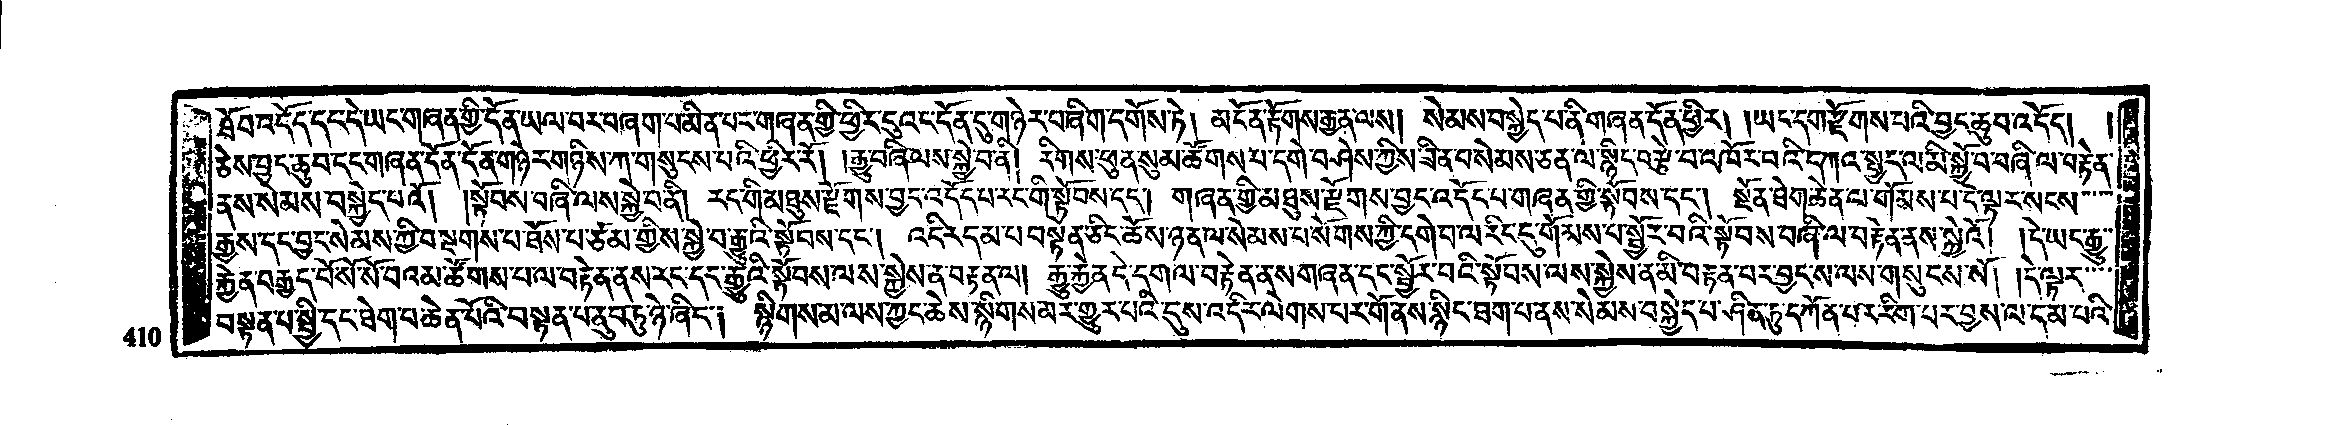ཐོབ་འདོད་དང་དེ་ཡང་གཞན་གྱི་དོན་ཡལ་བར་བཞག་པ་མིན་པར་གཞན་གྱི་ཕྱིར་དུའང་དོན་དུ་གཉེར་བ་ཞིག་དགོས་ཏེ། མངོན་རྟོགས་རྒྱན་ལས། སེམས་བསྐྱེད་པ་ནི་གཞན་དོན་ཕྱིར། །ཡང་དག་རྫོགས་པའི་བྱང་ཆུབ་འདོད། །
ཅེས་བྱང་ཆུབ་དང་གཞན་དོན་དོན་གཉེར་གཉིས་ཀ་གསུངས་པའི་ཕྱིར་རོ། །རྒྱུ་བཞི་ལས་སྐྱེ་བ་ནི། རིགས་ཕུན་སུམ་ཚོགས་པ་དགེ་བཤེས་ཀྱིས་ཟིན་པ་སེམས་ཅན་ལ་སྙིང་བརྩེ་བ་འཁོར་བའི་དཀའ་སྤྱད་ལ་མི་སྐྱོ་བ་བཞི་ལ་བརྟེན་
ནས་སེམས་བསྐྱེད་པའོ། །སྟོབས་བཞི་ལས་སྐྱེ་བ་ནི། རང་གི་མཐུས་རྫོགས་བྱང་འདོད་པ་རང་གི་སྟོབས་དང་། གཞན་གྱི་མཐུས་རྫོགས་བྱང་འདོད་པ་གཞན་གྱི་སྟོབས་དང་། སྔོན་ཐེག་ཆེན་ལ་གོམས་པ་དེ་ལྟར་སངས་
རྒྱས་དང་བྱང་སེམས་ཀྱི་བསྔགས་པ་ཐོས་པ་ཙམ་གྱིས་སྐྱེ་བ་རྒྱུའི་སྟོབས་དང་། འདིར་དམ་པ་བསྟེན་ཅིང་ཆོས་ཉན་ལ་སེམས་པ་སོགས་ཀྱི་དགེ་བ་ལ་རིང་དུ་གོམས་པ་སྦྱོར་བའི་སྟོབས་བཞི་ལ་བརྟེན་ནས་སྐྱེའོ། །དེ་ཡང་རྒྱུ་
རྐྱེན་བརྒྱད་པོ་སོ་སོ་བའམ་ཚོགས་པ་ལ་བརྟེན་ནས་རང་དང་རྒྱུའི་སྟོབས་ལས་སྐྱེས་ན་བརྟན་ལ། རྒྱུ་རྐྱེན་དེ་དག་ལ་བརྟེན་ནས་གཞན་དང་སྦྱོར་བའི་སྟོབས་ལས་སྐྱེས་ན་མི་བརྟན་པར་བྱང་ས་ལས་གསུངས་སོ། །དེ་ལྟར་
བསྟན་པ་སྤྱི་དང་ཐེག་པ་ཆེན་པོའི་བསྟན་པ་ནུབ་ཏུ་ཉེ་ཞིང་། སྙིགས་མ་ལས་ཀྱང་ཆེས་སྙིགས་མར་གྱུར་པའི་དུས་འདིར་ལེགས་པར་གོ་ནས་སྙིང་ཐག་པ་ནས་སེམས་བསྐྱེད་པ་ཤིན་ཏུ་དཀོན་པར་རིག་པར་བྱས་ལ་དམ་པའི་